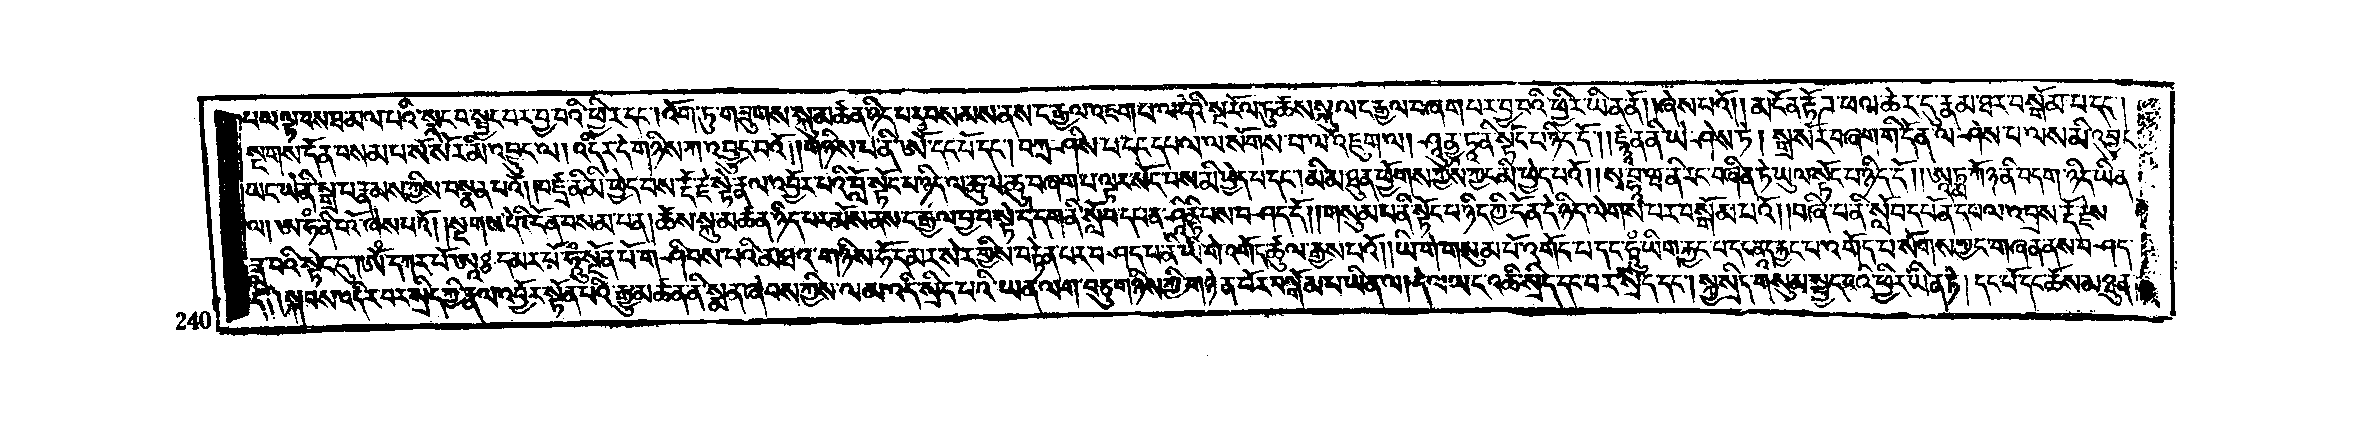པ་ལ་ལྟ་བས་ཐ་མལ་པའི་སྣང་བ་སྦྱང་བར་བྱ་བའི་ཕྱིར་དང་། འོག་ཏུ་གཟུགས་སྐུ་མཚན་ཉིད་པར་བསམས་ནས་ང་རྒྱལ་འཇག་པ་ལ་དེའི་སྔ་རོལ་ཏུ་ཆོས་སྐུལ་ང་རྒྱལ་བཞག་པར་བྱ་བའི་ཕྱིར་ཡིན་ནོ། །ཞེས་པའོ། །མངོན་རྟོགས་ཕལ་ཆེར་དུ་རྣམ་ཐར་བསྒོམ་པ་དང་།
སྔགས་དོན་བསམ་པ་སོ་སོར་མི་འབྱུང་ལ། འདིར་དེ་གཉིས་ཀ་འབྱུང་བའོ། །གཉིས་པ་ནི་ཨོཾ་དང་པོ་དང་། བཀྲ་ཤིས་པ་དང་དཔལ་ལ་སོགས་པ་ལ་འཇུག་ལ། ཤཱུ་ནཡ་ཏཱ་ནི་སྟོང་པ་ཉིད་དོ། །ཛྙཱ་ན་ནི་ཡེ་ཤེས་ཏེ། སྒྲ་སོར་བཞག་གི་དོན་ལ་ཤེས་པ་ལས་མི་འབྱུང་
ཡང་ཡེ་ནི་སྒྲ་པ་རྣམས་ཀྱིས་བསྣན་པའོ། །བྫྲ་ནི་མི་ཕྱེད་པས་རྡོ་རྗེ་སྟེ་རྣལ་འབྱོར་པའི་བློ་སྟོང་པ་ཉིད་ལ་ཆུ་ལ་ཆུ་བཞག་པ་ལྟར་སོང་བས་མི་ཕྱེད་པ་དང་། མི་མཐུན་ཕྱོགས་ཀྱིས་ཀྱང་མི་ཕྱེད་པའོ། །སྭ་བྷཱ་ཝ་ནི་རང་བཞིན་ཏེ་ཡུལ་སྟོང་པ་ཉིད་དོ། །ཨཱ་ཏྨ་ཀོ་ཉ་ནི་བདག་ཉིད་ཡིན་
ལ། ཨ་ཧཾ་ནི་ངའོ་ཞེས་པའོ། །སྔགས་དེའི་དོན་བསམ་པ་ན། ཆོས་སྐུ་མཚན་ཉིད་པར་མོས་ནས་ང་རྒྱལ་བྱ་བ་སྟེ་དེ་དག་ནི་སློབ་དཔན་ཤཱིནཏི་པས་བཤད་དོ། །གསུམ་པ་ནི་སྟོང་པ་ཉིད་ཀྱི་དོན་དེ་ཉིད་ལེགས་པར་བསྒོམ་པའོ། །བཞི་པ་ནི་སློབ་དཔོན་དཔལ་འབྲས་རྡོ་རྗེས་
ཟླ་བའི་སྟེང་དུ། ཨོཾ་དཀར་པོ་ཨཱཿ དམར་པོ་ཧཱུཾ་སྔོན་པོ་གཤིབས་པའི་མཐའ་གཉིས་ཧོ་དམར་སེར་གྱིས་བརྟེན་པར་བཤད་པ་ནི་ཡི་གེ་འགོད་ཚུལ་རྒྱས་པའོ། །ཡི་གེ་གསུམ་པོ་འགོད་པ་དང་ཧཱུཾ་ཡིག་རྐྱང་པ་དང་ནཱ་ད་རྐྱང་པ་འགོད་པ་སོགས་ཀྱང་གཞན་ནས་བཤད་
དོ། །སྐབས་འདིར་བར་སྲིད་ཀྱི་རྣལ་འབྱོར་སྟོན་པའི་རྒྱུ་མཚན་ནི་སྨན་ཞེབས་ཀྱིས་ལམ་འདི་སྲིད་པའི་ཡན་ལག་བཅུ་གཉིས་ཀྱི་གཉེན་པོར་བསྒོམ་པ་ཡིན་ལ། དེ་ལ་ཡང་འཆི་སྲིད་དང་བར་སྲིད་དང་། སྐྱེ་སྲིད་གསུམ་སྦྱང་བའི་ཕྱིར་ཡིན་ཏེ། དང་པོ་དང་ཆོས་མཐུན་